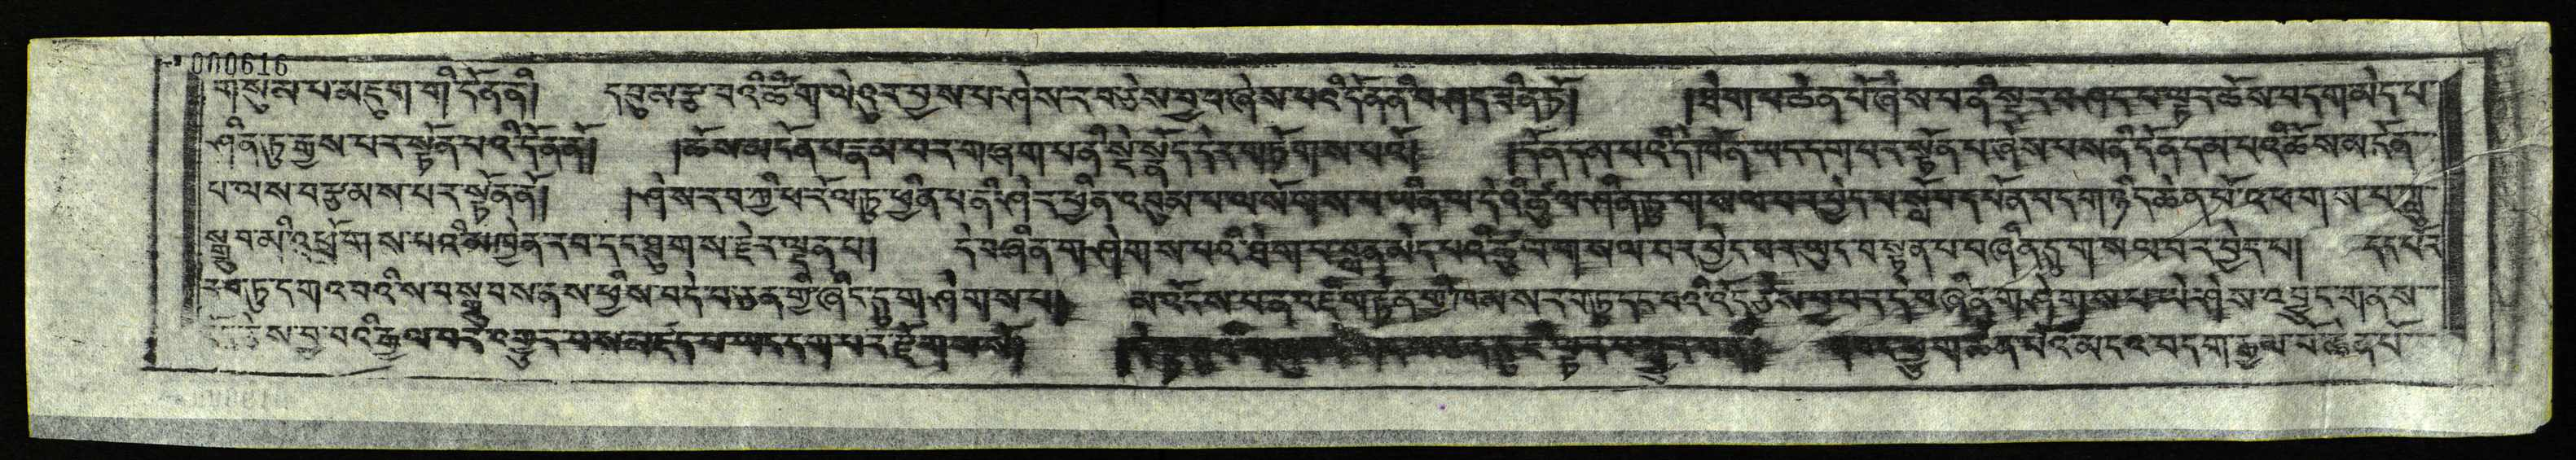གསུམ་པ་མཇུག་གི་དོན་ནི། དབུ་མ་རྩ་བའི་ཚིག་ལེའུར་བྱས་པ་ཤེས་རབ་ཅེས་བྱ་བ་ཞེས་པའི་དོན་ནི་བཤད་ཟིན་ཏོ། །ཐེག་པ་ཆེན་པོ་ཞེས་པ་ནི་སྔར་བཤད་པ་ལྟར་ཆོས་བདག་མེད་པ་
ཤིན་ཏུ་རྒྱས་པར་སྟོན་པའི་དོན་ནོ། །ཆོས་མངོན་པ་རྣམ་པར་གཞག་པ་ནི་སྡེ་སྣོད་དོན་གཏོགས་པའོ། །དོན་དམ་པའི་དེ་ཁོ་ན་ཡང་དག་པར་སྟོན་པ་ཞེས་པས་ནི་དོན་དམ་པའི་ཆོས་མངོན་
པ་ལས་བརྩམས་པར་སྟོན་ནོ། །ཤེས་རབ་ཀྱི་ཕ་རོལ་ཏུ་ཕྱིན་པ་ནི་ཤེར་ཕྱིན་འབུམ་པ་ལ་སོགས་པ་ཡིན་ལ་དེའི་ཚུལ་ཤིན་ཏུ་གསལ་བར་བྱེད་པ་སློབ་དཔོན་བདག་ཉིད་ཆེན་པོ་འཕགས་པ་ཀླུ་
སྒྲུབ་མི་འཕྲོགས་པའི་མཁྱེན་རབ་དང་ཐུགས་རྗེར་ལྡན་པ། དེ་བཞིན་གཤེགས་པའི་ཐེག་པ་བླ་ན་མེད་པའི་ཚུལ་གསལ་བར་བྱེད་པར་ལུང་བསྟན་པ་བཞིན་དུ་གསལ་བར་བྱེད་པ། དང་པོར་
རབ་ཏུ་དགའ་བའི་ས་བསྒྲུབས་ནས་ཕྱིས་བདེ་བ་ཅན་གྱི་ཞིང་དུ་གཤེགས་པ། མ་འོངས་པ་ན་འཇིག་རྟེན་གྱི་ཁམས་རབ་ཏུ་དང་བའི་འོད་ཅེས་བྱ་བར་དེ་བཞིན་གཤེགས་པ་ཡེ་ཤེས་འབྱུང་གནས་
ཡོད་ཅེས་བྱ་བའི་རྒྱལ་བར་འགྱུར་བས་མཛད་པ་ཡང་དག་པར་རྫོགས་སོ། །དེ་ལྟ་བུའི་གཞུང་འདི་གངས་ཅན་དུ་ཇི་ལྟར་བསྒྱུར་བ་ནི། དབང་ཕྱུག་ཆེན་པོའི་མངའ་བདག་རྒྱལ་པོ་ཆེན་པོ་